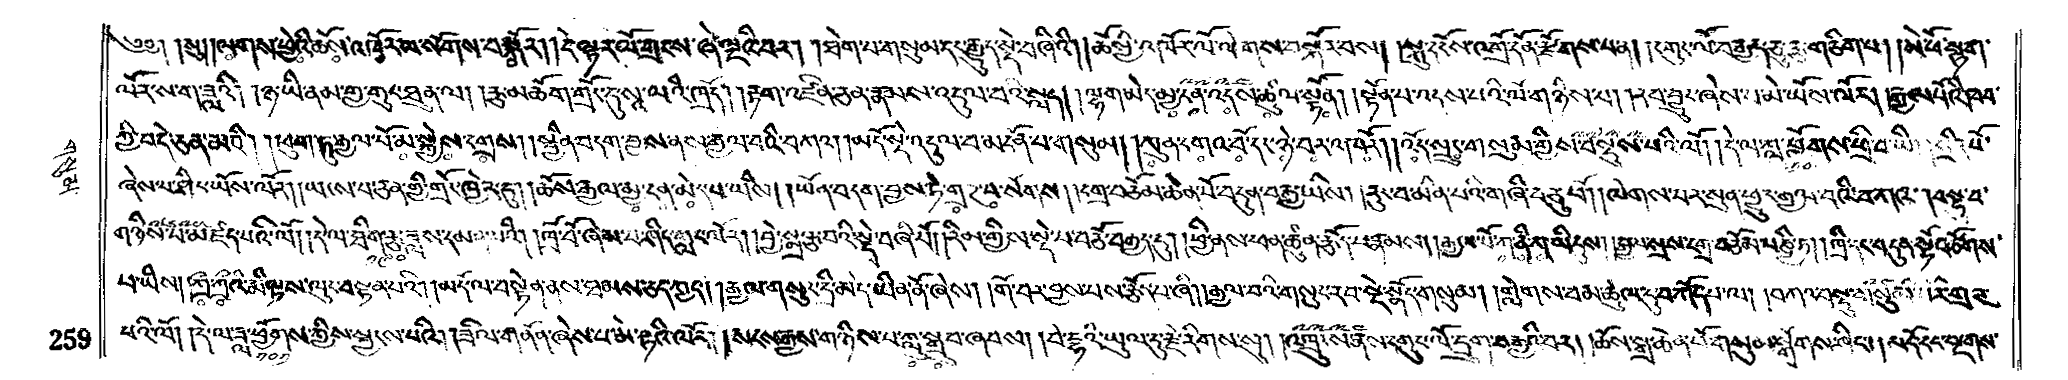༄༅། །སུ། །ལགས་ཕྱེའི་ཆོས་འཁོར་ལ་སོགས་བསྐོར། །དེ་ལྟར་ལོ་གྲངས་ཞེ་ལྔའི་བར། །ཐེག་པ་གསུམ་དང་རྒྱུད་སྡེ་བཞིའི། །ཆོ་སྱི་འཁོར་ལོ་ལེགས་བསྐོར་བས། །སྐུ་དངོས་འགྲོ་དོན་རྫོགས་པ་ན། །དགུང་ལོ་བརྒྱད་ཅུ་རྩ་གཅིག་པ། །མེ་ཕོ་སྟག་
ལོར་ས་ག་ཟླའི། །ཉ་ཡི་ནམ་གྱ་གུང་ཐུན་ལ། །རྩ་མཆོག་གྲོང་དུ་སཱ་ལའི་ཁྲོད། །རྟག་འཛིན་ཅན་རྣམས་འདུལ་བའི་སླད། །ལྷག་མེད་མྱ་ངན་འདས་ཚུལ་སྟོན། །སྟོན་པ་འདས་པའི་ལོ་གཉིས་པ། །རབ་བྱུང་ཞེས་པ་མེ་ཡོས་ལོར། །རྒྱལ་བོའི་ཁབ་
ཀྱི་བདེ་ཅན་མའི། །ཕུག་ཏུ་རྒྱལ་པོ་མ་སྐྱེས་དགྲས། །སྤྱིན་བདག་བྱས་ནས་རྒྱལ་བའི་བཀའ། །མདོ་སྡེ་འདུལ་བ་མངོན་པ་གསུམ། །ཀུན་དགའ་བོ་དང་ཉེ་བར་འཁོར། །འོད་སྲུང་གསུམ་གྱིས་བསྡུས་པའི་ལོ། །དེ་ལ་ཀླ་ཕྱོགས་ཕྲི་བ་ཡིད་སྲིན་པོ་
ཞེས་པ་ཤིང་ཡོས་ལོར། །ཡངས་པ་ཅན་གྱི་གྲོང་ཁྱེར་དུ། །ཆོས་རྒྱལ་མྱ་ངན་མེད་པ་ཡིས། །ཡོན་བདག་བྱས་ཏེ་གྲང་པ་སོགས། །དགྲ་བཅོམ་ཆེན་པོ་བདུན་བརྒྱ་ཡིས། །རུང་བ་མིན་པའི་གཞི་བཅུ་པོ། །ལེགས་པར་སུན་ཕྱུང་རྒྱལ་བའི་བཀའ་།བསྟུ་བ་
གཉིས་པ་མཛད་པའི་ལོ། །དེ་ལ་ཐིག་རྩ་ཟླས་དམན་པའི། །ཁྲོ་བོ་ཞེས་པ་ཤིང་གླང་ལོར། །བྱེ་སྨྲ་རྩ་བའི་སྡེ་བཞི་པོ། །རིམ་གྱིས་སྡེ་པ་བཅོ་བརྒྱད་དུ། །ཕྱི་ནས་ཕན་ཚུན་རྩོད་པ་རྣམས། །རྒྱལ་པོ་ཀ་ནི་ཀ་ཡི་དུས། །རྒྱལ་སྲས་དགྲ་བཅོམ་པཎྜྱི་ཏ། །ཁྲི་དང་བདུན་སྟོང་ཚོགས་
པ་ཡིས། །ཀྲྀ་ཀྲྀའི་མི་ལྟས་ལུང་བསྟན་པའི། །མདོ་ལ་བསྟེན་ནས་ཐམས་ཅད་ཀྱང་། །རྒྱལ་གསུང་དྲི་མེད་ཡིན་ནོ་ཞེས། །གོ་བར་བྱས་པས་རྩོད་པ་ཞི། །རྒྱལ་བའི་གསུང་རབ་སྡེ་སྣོད་གསུམ། །གླེགས་བམ་ཚུལ་དུ་བཀོད་པ་ལ། །བཀའ་བསྡུ་གསུམ་པའི་གྲང་
པའི་ལོ། །དེ་ལ་ཟླ་ཕྱོགས་ཀྱིས་སྦྱངས་པའི། །ཟིལ་གནོན་ཞེས་པ་མེ་རྟའི་ལོར། །སངས་རྒྱས་གཉིས་པ་ཀླུ་སྒྲུབ་ཞབས། །བེ་དྷའི་ཡུལ་དུ་རྗེ་རིགས་སུ། །འཁྲུངས་ནས་དགུང་ལོ་དྲུག་བརྒྱའི་བར། །ཆོས་སྒྲ་ཆེན་པོ་གསུམ་སྒྲོགས་ཤིང་། །མདོ་དང་སྔགས་